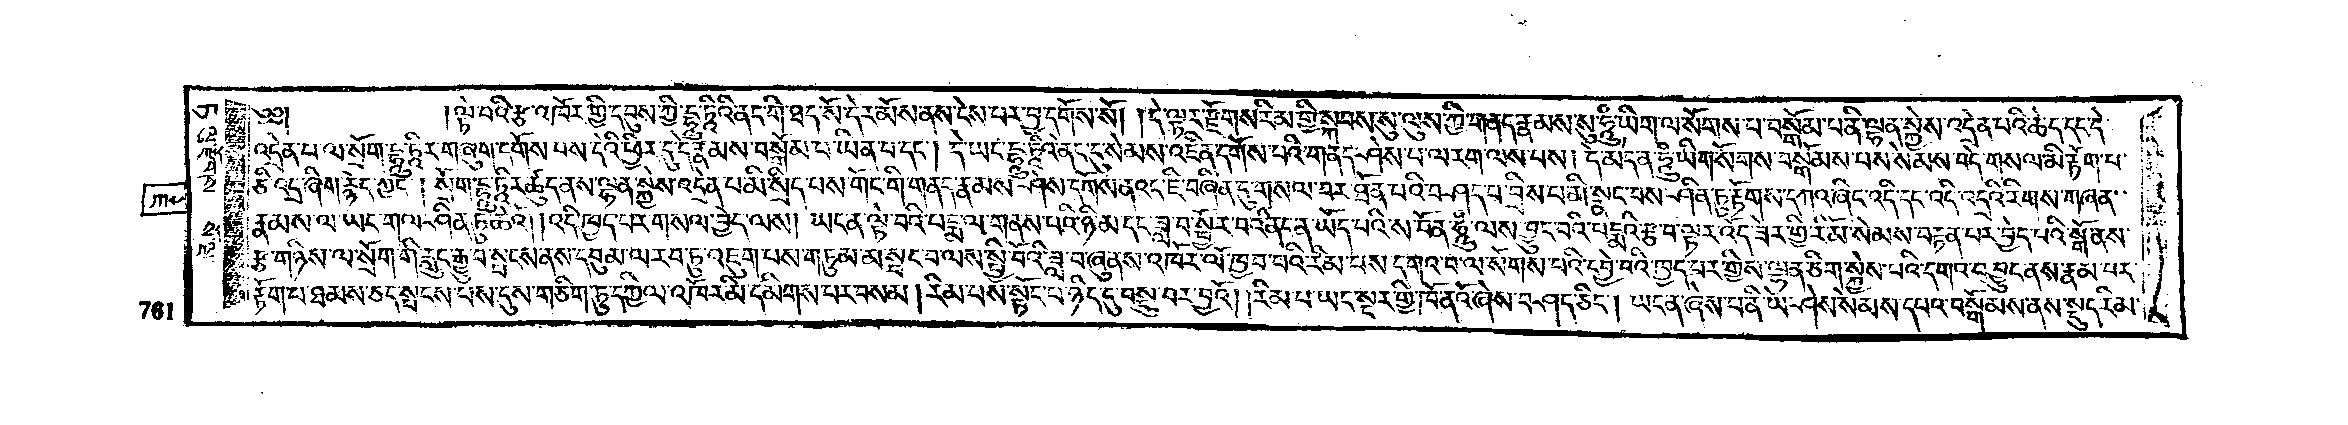༄༅། །ལྟེ་བའི་རྩ་འཁོར་གྱི་དབུས་ཀྱི་དྷཱུ་ཏཱིའི་ནང་གི་ཐད་སོ་དེར་མོས་ནས་ངེས་པར་བྱ་དགོས་སོ། །དེ་ལྟར་རྫོགས་རིམ་གྱི་སྐབས་སུ་ལུས་ཀྱི་གནད་རྣམས་སུ་ཧཱུཾ་ཡིག་ལ་སོགས་པ་བསྒོམ་པ་ནི་ལྷན་སྐྱེས་འདྲེན་པའི་ཆེད་དང་དེ་
འདྲེན་པ་ལ་སྲོག་དྷཱུ་ཏཱིར་གཞུག་དགོས་པས་དེའི་ཕྱིར་དུ་དེ་རྣམས་བསྒོམ་པ་ཡིན་པ་དང་། དེ་ཡང་དྷཱུ་ཏཱིའི་ནང་དུ་སེམས་འཛིན་དགོས་པའི་གནད་ཤེས་པ་ལ་རག་ལས་པས། དེ་མེད་ན་ཧཱུཾ་ཡིག་སོགས་བསྒོམས་པས་སེམས་བདེ་གསལ་མི་རྟོག་པ་
ཅི་འདྲ་ཞིག་རྙེད་ཀྱང་། སྲོག་དྷཱུ་ཏཱིར་ཚུད་ནས་ལྷན་སྐྱེས་འདྲེན་པ་མི་སྲིད་པས་གོང་གི་གནད་རྣམས་ཤེས་དགོས་ནའང་ཇི་བཞིན་དུ་གསལ་བར་ཐོན་པའི་བཤད་པ་བྲིས་པ་མི་སྣང་བས་ཤིན་ཏུ་རྟོགས་དཀའ་ཞིང་འདི་དང་འདི་འདྲའི་རིགས་གཞན་
རྣམས་ལ་ཡང་གལ་ཤིན་ཏུ་ཆེའོ། །འདི་ཁྱད་པར་གསལ་བྱེད་ལས། ཡང་ན་ལྟེ་བའི་པདམ་ལ་གནས་པའི་ཉི་མ་དང་ཟླ་བ་སྦྱོར་བའི་ནང་ན་ཡོད་པའི་ས་བོན་ཧཱུཾ་ལས་བྱུང་བའི་པདམའི་རྩ་བ་ལྟར་འོད་ཟེར་གྱི་རི་མོ་སེམས་བརྟན་པར་བྱེད་པའི་སྒོ་ནས་
རྩ་གཉིས་ལ་སྲོག་གི་རླུང་རྒྱུ་བ་སྤངས་ནས་དབུ་མ་ལ་རབ་ཏུ་འཇུག་པས་གཏུམ་མོ་སྦར་བ་ལས་སྤྱི་བོའི་ཟླ་བ་ཞུ་ནས་འཁོར་ལོ་ཁྱབ་པའི་རིམ་པས་དགའ་བ་ལ་སོགས་པའི་དབྱེ་བའི་ཁྱད་པར་གྱིས་ལྷན་ཅིག་སྐྱེས་པའི་དགའ་བ་བྱུང་ནས་རྣམ་པར་
རྟོག་པ་ཐམས་ཅད་སྤངས་པས་དུས་གཅིག་ཏུ་དཀྱིལ་འཁོར་མི་དམིགས་པར་བསམ། རིམ་པས་སྟོང་པ་ཉིད་དུ་བསྡུ་བར་བྱའོ། །རིམ་པ་ཡང་སྔར་གྱི་ཁོ་ནའོ་ཞེས་བཤད་ཅིང་། ཡང་ན་ཞེས་པ་ནི་ཡེ་ཤེས་སེམས་དཔའ་བསྒོམས་ནས་སྡུད་རིམ་